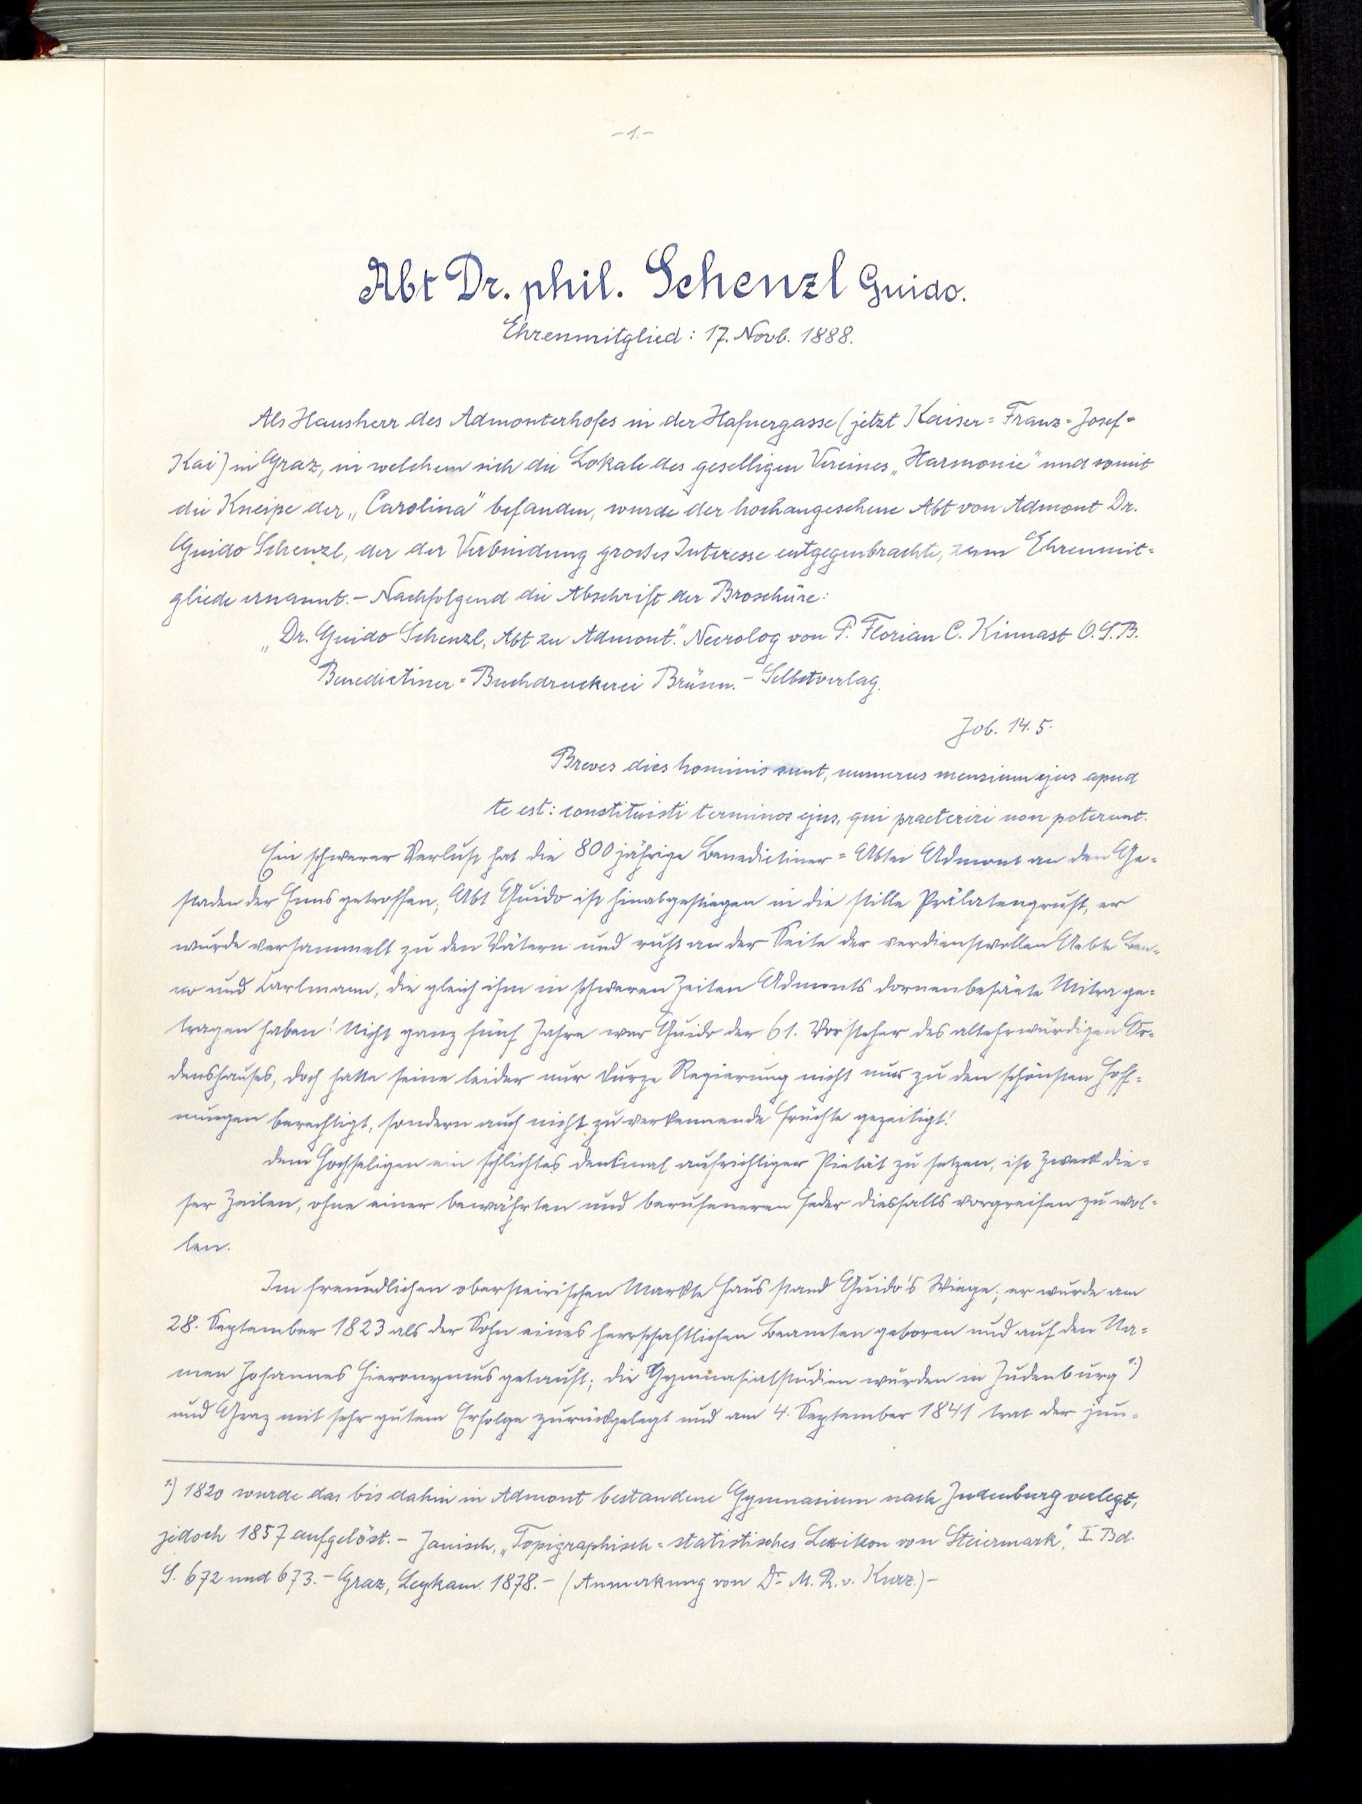-1.-
Abt Dr. phil. Schenzel Guido.
Ehrenmitglied: 17. Novb. 1888.
Als Hausherr des Admonterhofes in der Hafnergasser (jetzt Kaiser-Franz-Josef-
Kai) in Graz, in welchem sich die Lokalles geselligen Vereins "Harmonie" und womit
die Kneipe der "Carolina" befanden, wurde der hochangesehene Abt von Admont Dr.
Guido Schenzel, der der Verbindung großes Interesse entgegenbrachte, zum Ehrenmit-
gliede ernannt. - Nachfolgend die Abschrift der Broschüre:
"Dr. Guido Schenzel, Abt von Admont." Necrolog von P. Florian C. Kinnest O.S.B.
Benedictiner-Buchdruckerei Brünn - Selbstverlag.
Job. 14.5.
Breves dies hominis sunt, numerus mensium ejus apud
te est: constituisti terminos ejus qui praeteriri non poterunt.
Ein schwerer Verlus hat die 800jährige Benedictiner-Abtei Admont an dem Ge-
stade der Enns getroffen; Abt Guido ist hinabgestiegen in die stille Prälatengruft, er
wurde versammelt zu den Vätern und ruht an der Seite der verdienstvollen Äbte Lau-
ro und Carlamann, die gleich ihm in schweren Zeiten Admonts dornenbesäte Mitra ge-
tragen haben! Nicht ganz fünf Jahre war Guido der 61. Vorsteher des altehrwürdigen Er
denshauses, doch hatte seine leider nur kurze Regierung nicht nur zu den schönsten Hoff-
nungen berechtigt, sondern auch nicht zu verkennende Früchte gezeitigt!
Dem hochseligen ein schlichtes Denkmal aufrichtiger Pietät zu setzen, ist zweck die-
ser Zeilen, ohne einer bewährten und berufeneren Feder diesfalls vorgreifen zu wol-
len.
Im freündlichen obersteirischen Markte Haus stand Guido's Wiege; er wurde am
28. September 1823 als der Sohn eines herrchaftlichen Beamten geboren und auf den Na-
men Johannes Hieronymus getauft; die Gymnasialstudien wurden in Judenburg 1.)
und Graz mit sehr gutem Erfolge zurückgelegt und am 4. September 1841 war der jun-
1.) 1820 wurde das bis dahin in Admont bestandene Gymnasium nach Judenburg verlegt,
jedoch 1857 aufgelöst. - Janisch,"Topigraphisch-statistisches Lexikon von Steiermark", I. Bd.
S. 672 und 673. - Graz, Leykam. 1878 - (Anmerkung von Dr M. R. v. Karz.) -